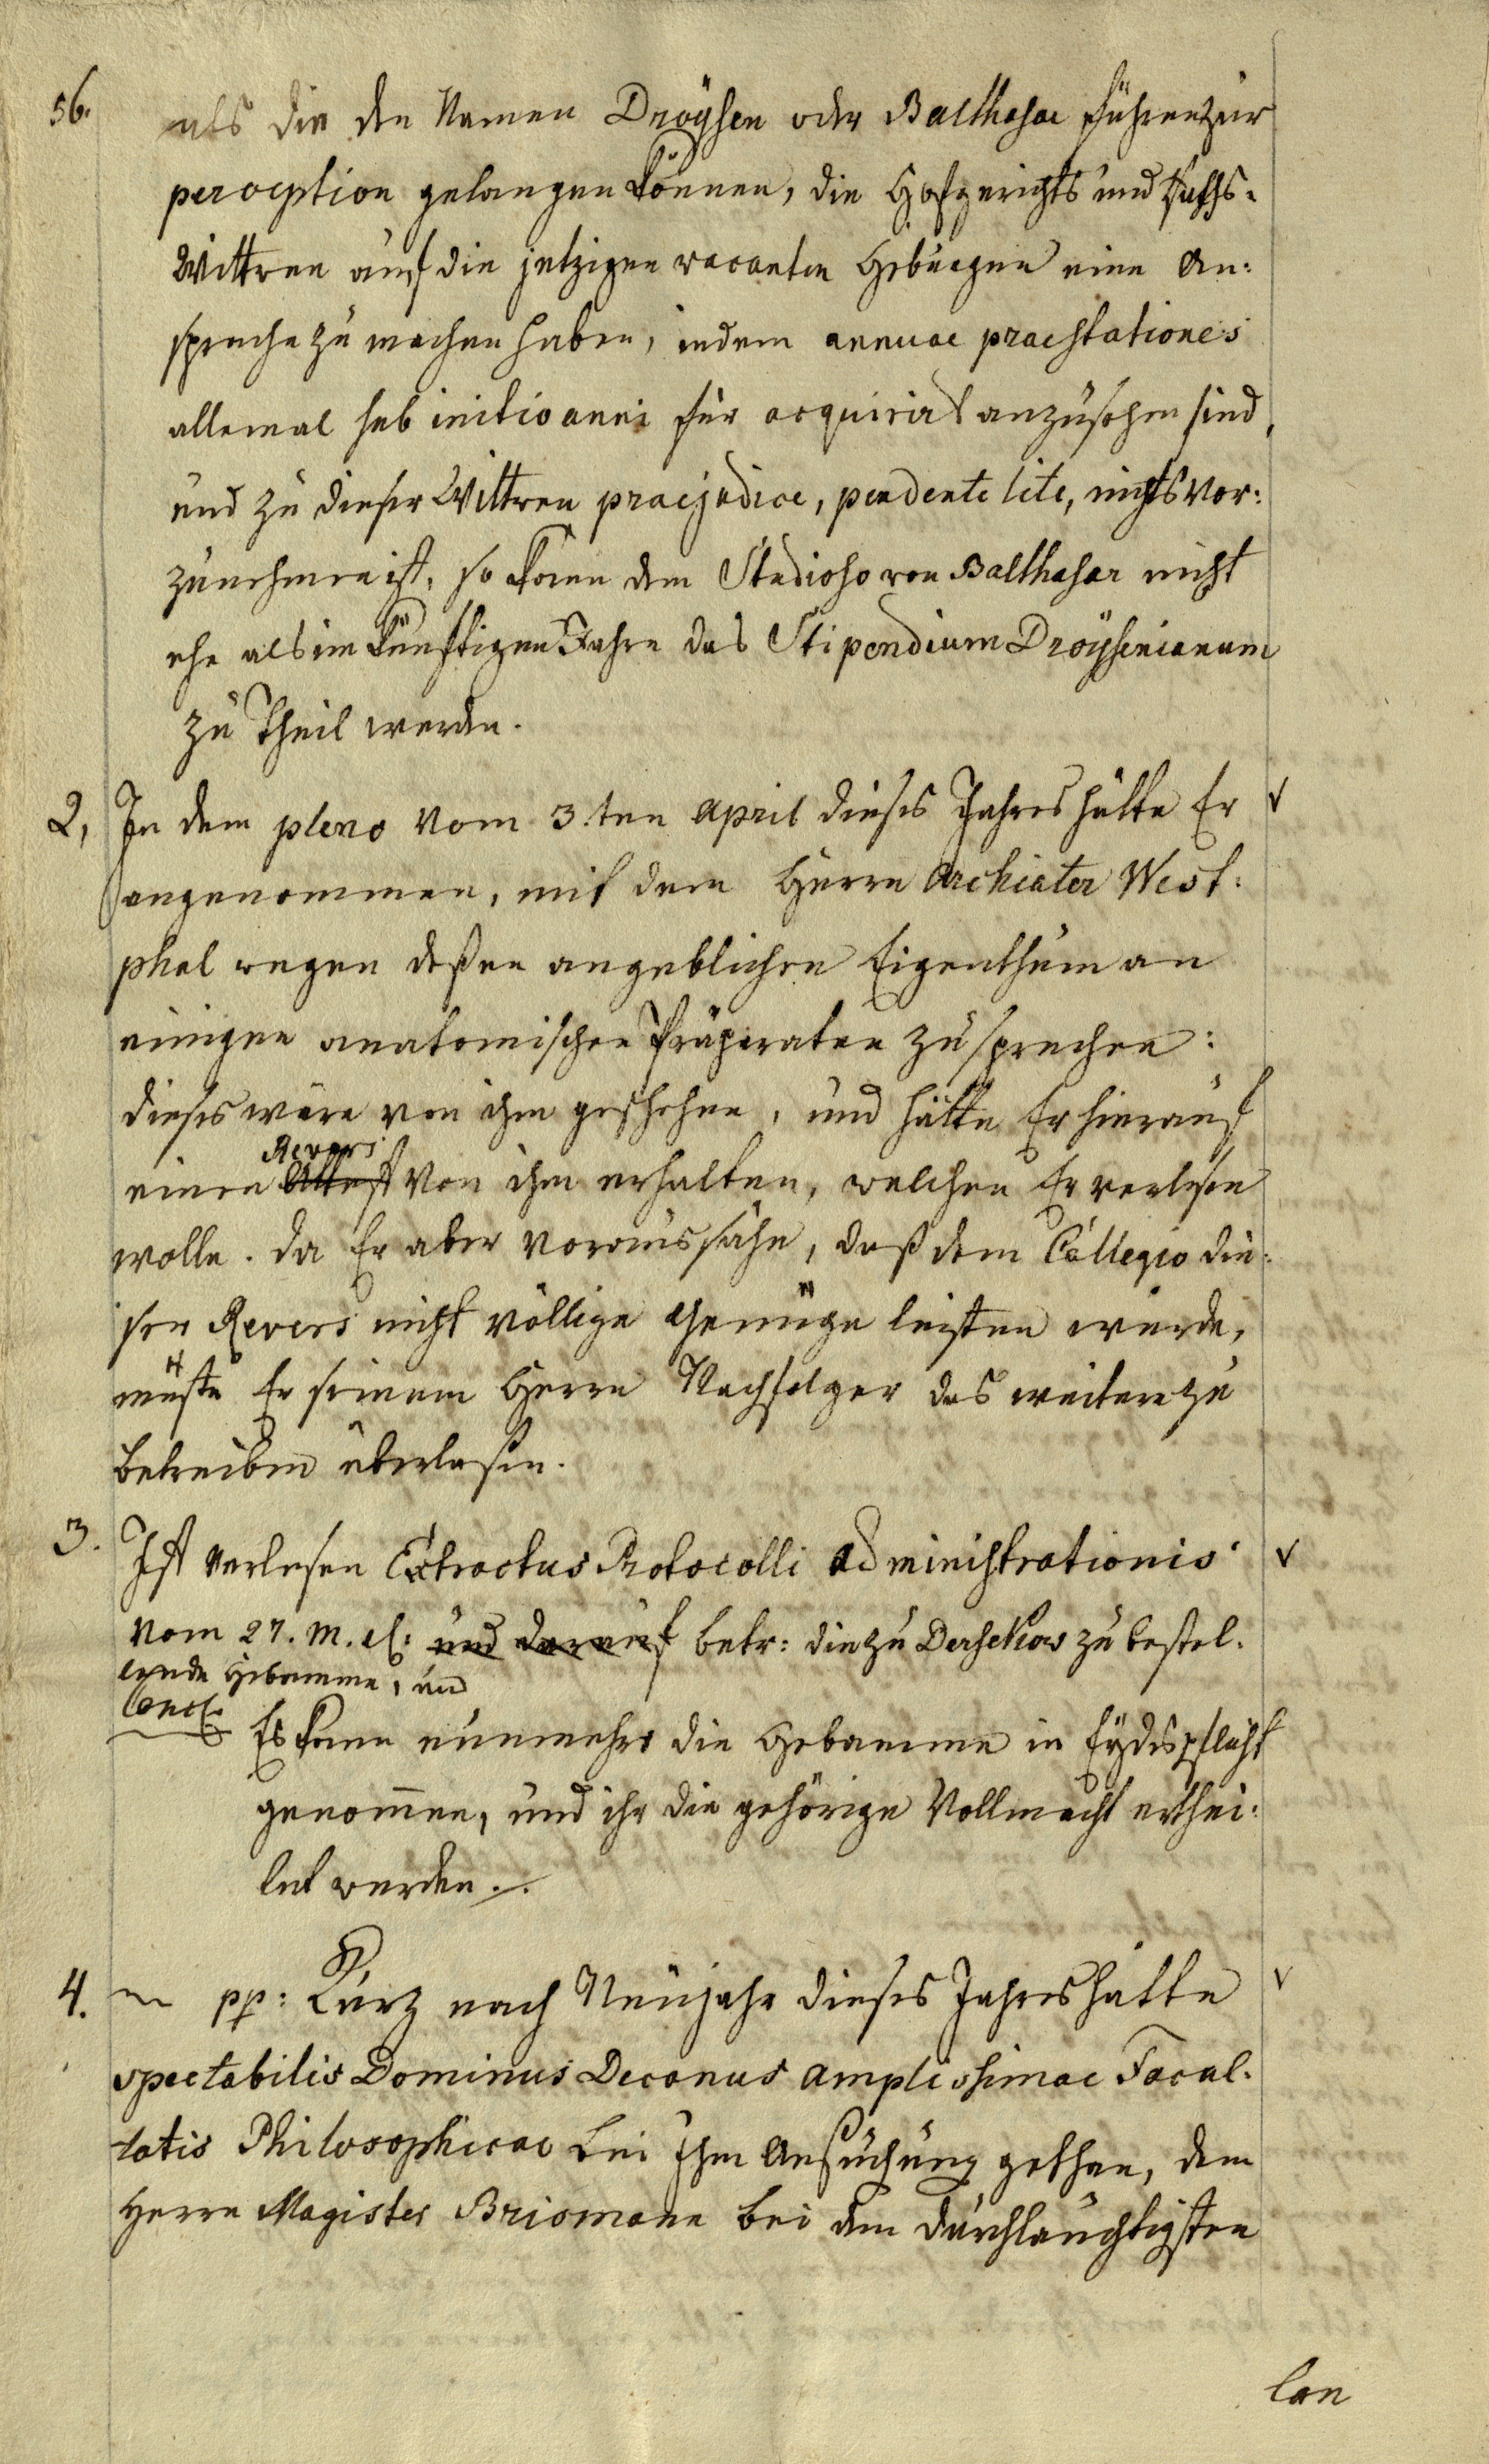als die den Namen Droÿsen oder Balthasar führen zur
perception gelangen können, die Hofgerichts und Raths¬
Wittwen auf die jetzigen vacanten Hebungen eine An¬
sprache zu machen haben, indem annuae praestationes
allemal sub initio anni für aquirirt anzusehen sind,
und zu dieser Wittwen praejudice, pendente lite, nichts vor¬
zunehmen ist, so kann dem Studioso von Balthasar nicht
ehe als im künftigen Jahre das Stipendium Droÿsenianum
zu Theil werden.
2, In dem pleno vom 3 ten April dieses Jahres hätte Er
angenommen, mit dem Herrn Archiater West¬
phal wegen deßen angeblichen Eigenthum an
einigen anatomischen Präparaten zu sprechen:
dieses wäre von ihm geschehen, und hätte Er hierauf
einen Revers von ihm erhalten, welchen Er verlesen
wolle. Da Er aber voraussähe, daß dem Collegio die¬
sen Revers nicht völlige Genüge leisten würde,
müste Er seinem Herrn Nachfolger das weitere zu
betreiben überlaßen.
3. Ist verlesen Extractus Protocolli Administrationis
vom 27. M. el. betr. die zu Dersekow zu bestel¬
lende Hebamme und
Concl.
Es kann nunmehro die Hebamme in Eÿdespflicht
genomen, und ihr die gehörige Vollmacht erthei¬
let werden.
4. pp. Kurz nach Neujahr dieses Jahres hätte
spectabilis Dominus Decanus Amplissimae Facul¬
tatis Philosophicae bei Ihm Ansuchung gethan, dem
Herrn Magister Brismann bei dem Durchlauchtigsten
Can